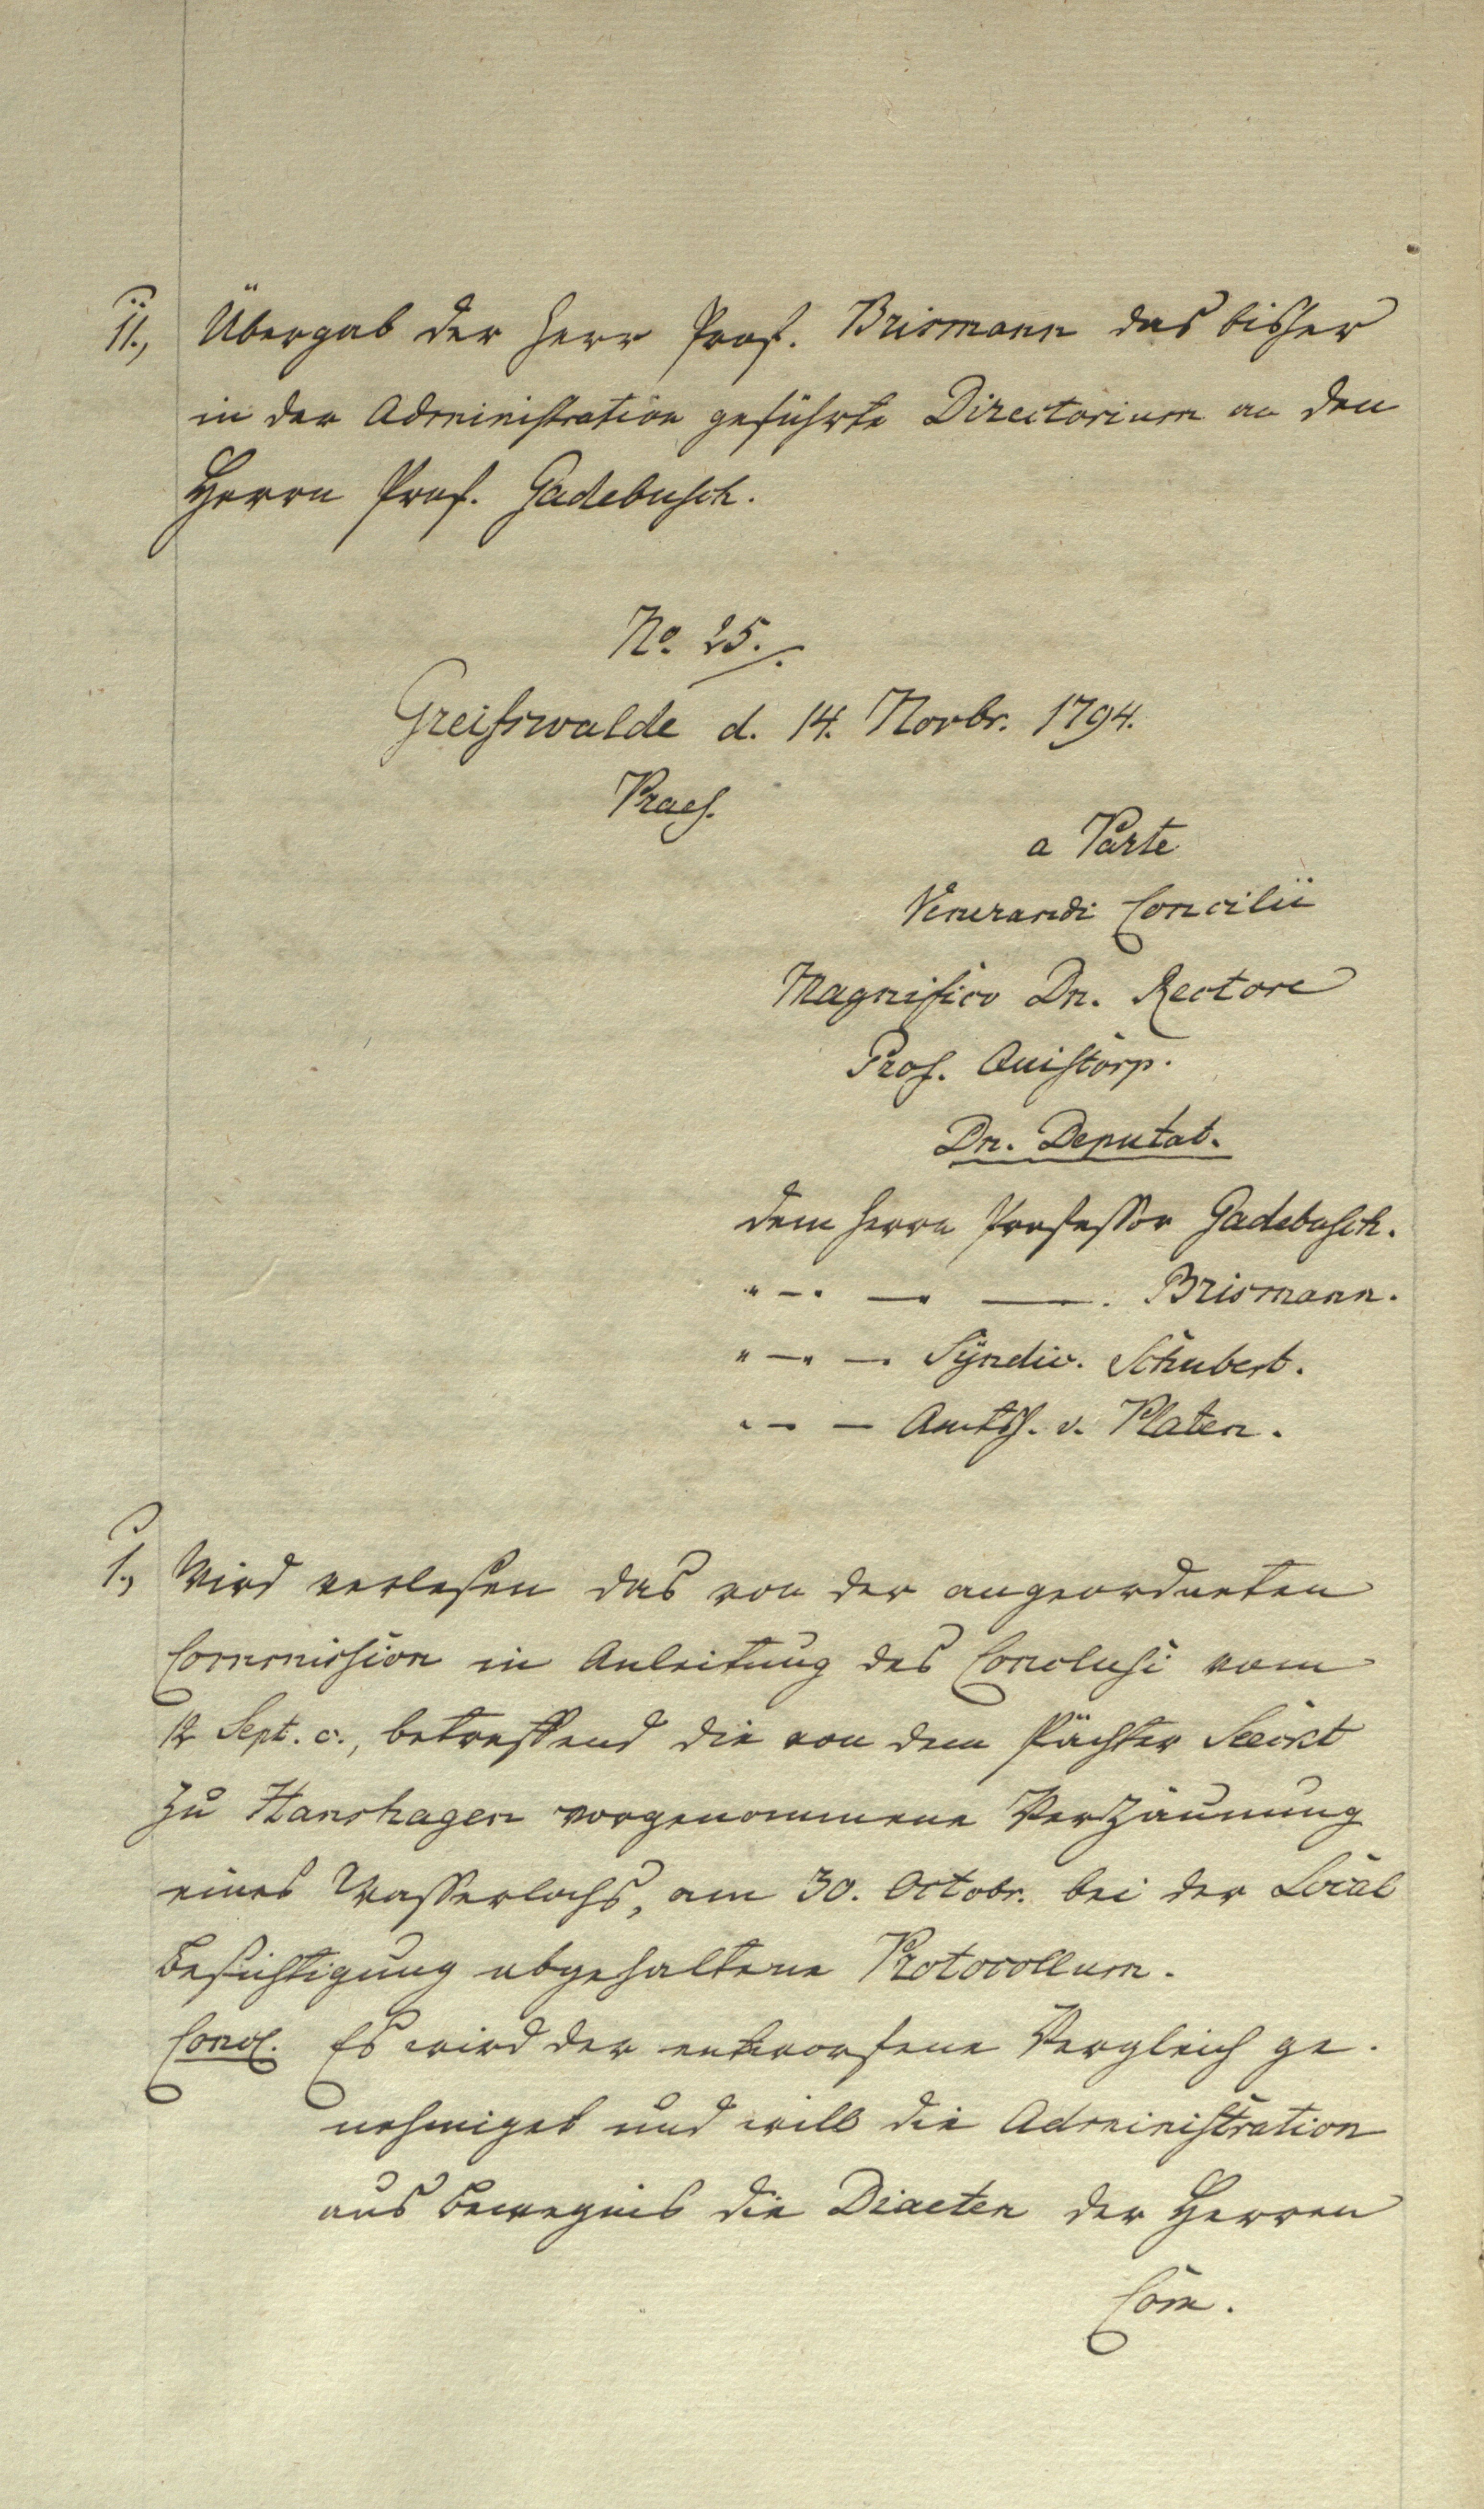11., Übergab der Herr Prof. Brismann das bisher
in der Administration geführte Directorium an den
Herrn Prof. Gadebusch.
No 25.
Greifswalde d. 14. Novbr. 1794.
Praes.
a Parte
Venerandi Concilii
Magnifico Dn. Rectore
Prof. Quistorp.
Dn. Deputat.
dem Herrn Professor Gadebusch.
Brismann.
Sÿndic. Schubert.
Amtsh. v. Platen.
1., Wird verlesen das von der angeordneten
Commission in Anleitung des Conclusi vom
12. Sept. c., betreffend die von dem Pächter Seeckt
zu Hanshagen vorgenommene Verzäumung
eines Wasserlochs, am 30. Octobr. bei der Local¬
Besichtigung abgehaltene Protocollum.
Concl. Es wird der entworfene Vergleich ge¬
nehmiget und will die Administration
aus Bewegnis die Diaeten der Herren
Com¬